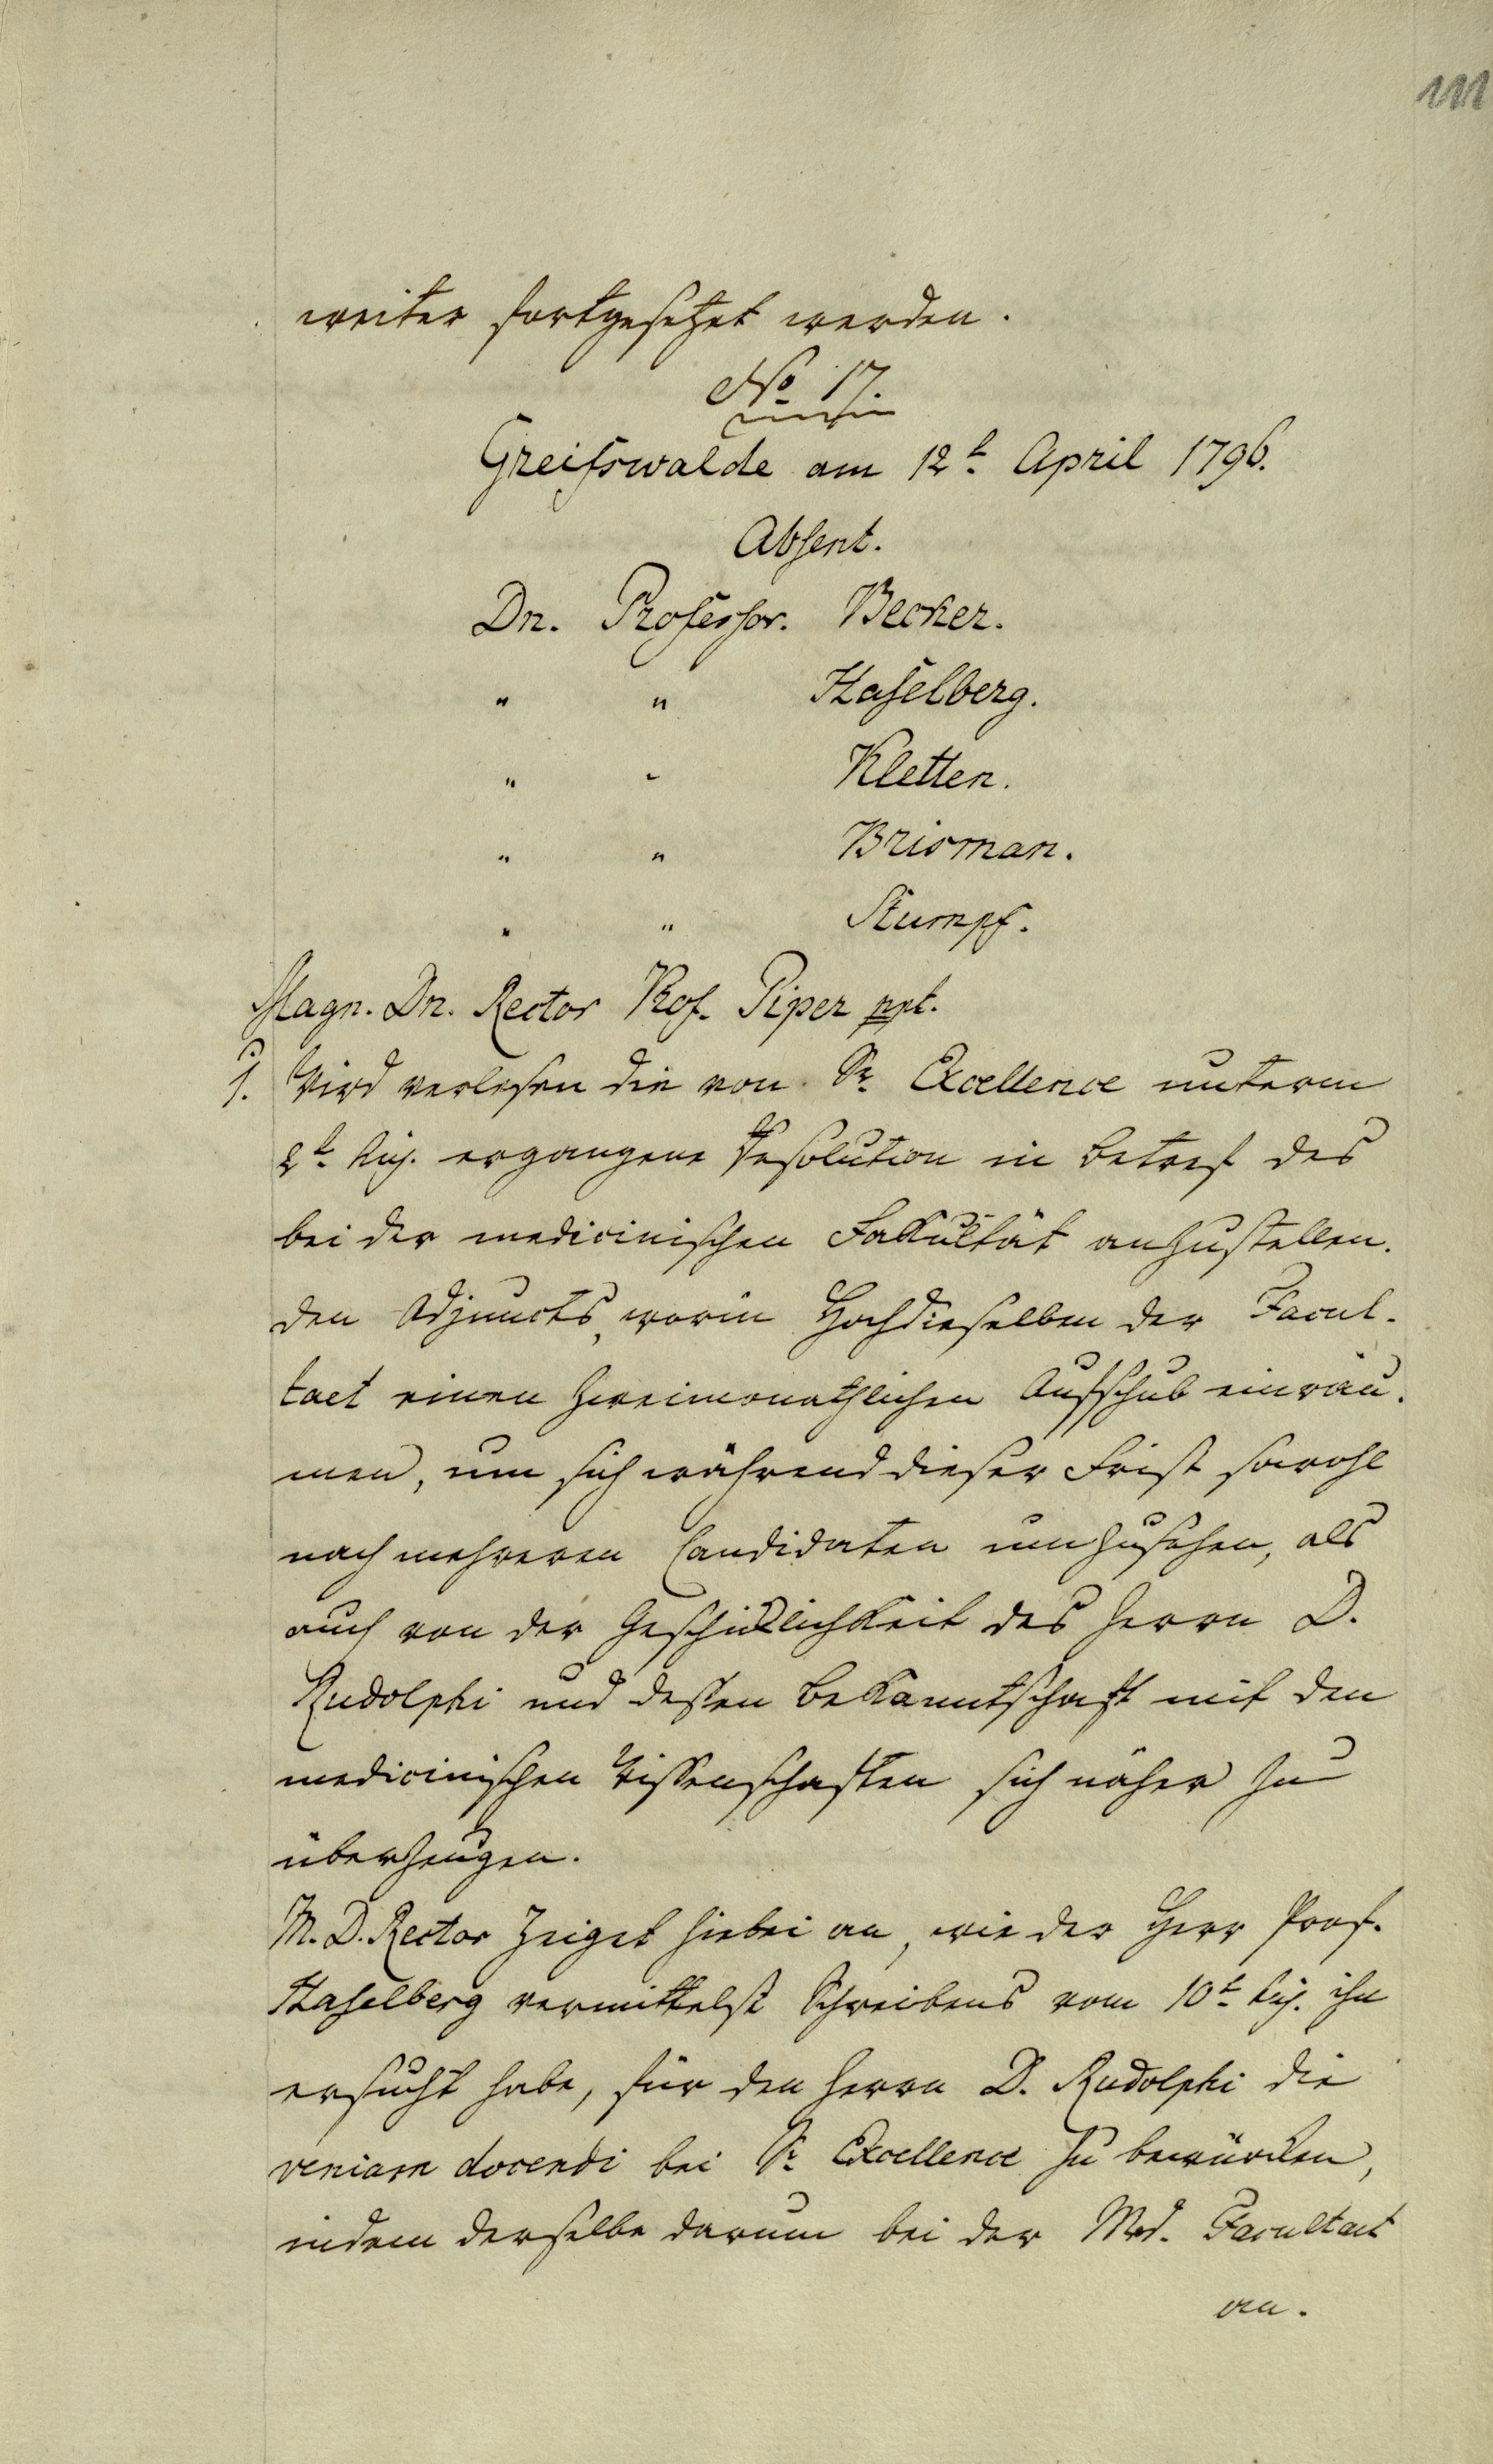weiter fortgesetzet werden.
No 17 .
Greifswalde am 12 t April 1796.
Absent.
Dn. Professor Becker.
Haselberg.
Kletten.
Brisman.
Stumpf.
Magn. Dn. Rector Prof. Piper ppt
1. Wird verlesen die von Sr Excellence unterm
2. t. huj. ergangene Resolution in Betref des
bei der medicinischen Fakultät anzustellen¬
den Adjuncts, worin Hochdieselben der Facul¬
taet einen zweimonathlichen Aufschub einräu¬
men, um sich während dieser Frist sowohl
nach mehreren Candidaten umzusehen, als
auch von der Geschicklichkeit des Herrn D.
Rudolphi und dessen Bekanntschaft mit den
medicinischen Wissenschaften sich näher zu
überzeugen.
M. D. Rector zeiget hiebei an, wie der Herr Prof.
Haselberg vermittelst Schreibens vom 10 t huj. ihn
ersucht habe, für den Herrn D. Rudolphi die
veniam docendi bei Sr Excellence zu bewürcken,
indem derselbe darum bei der Med. Facultaet
an¬